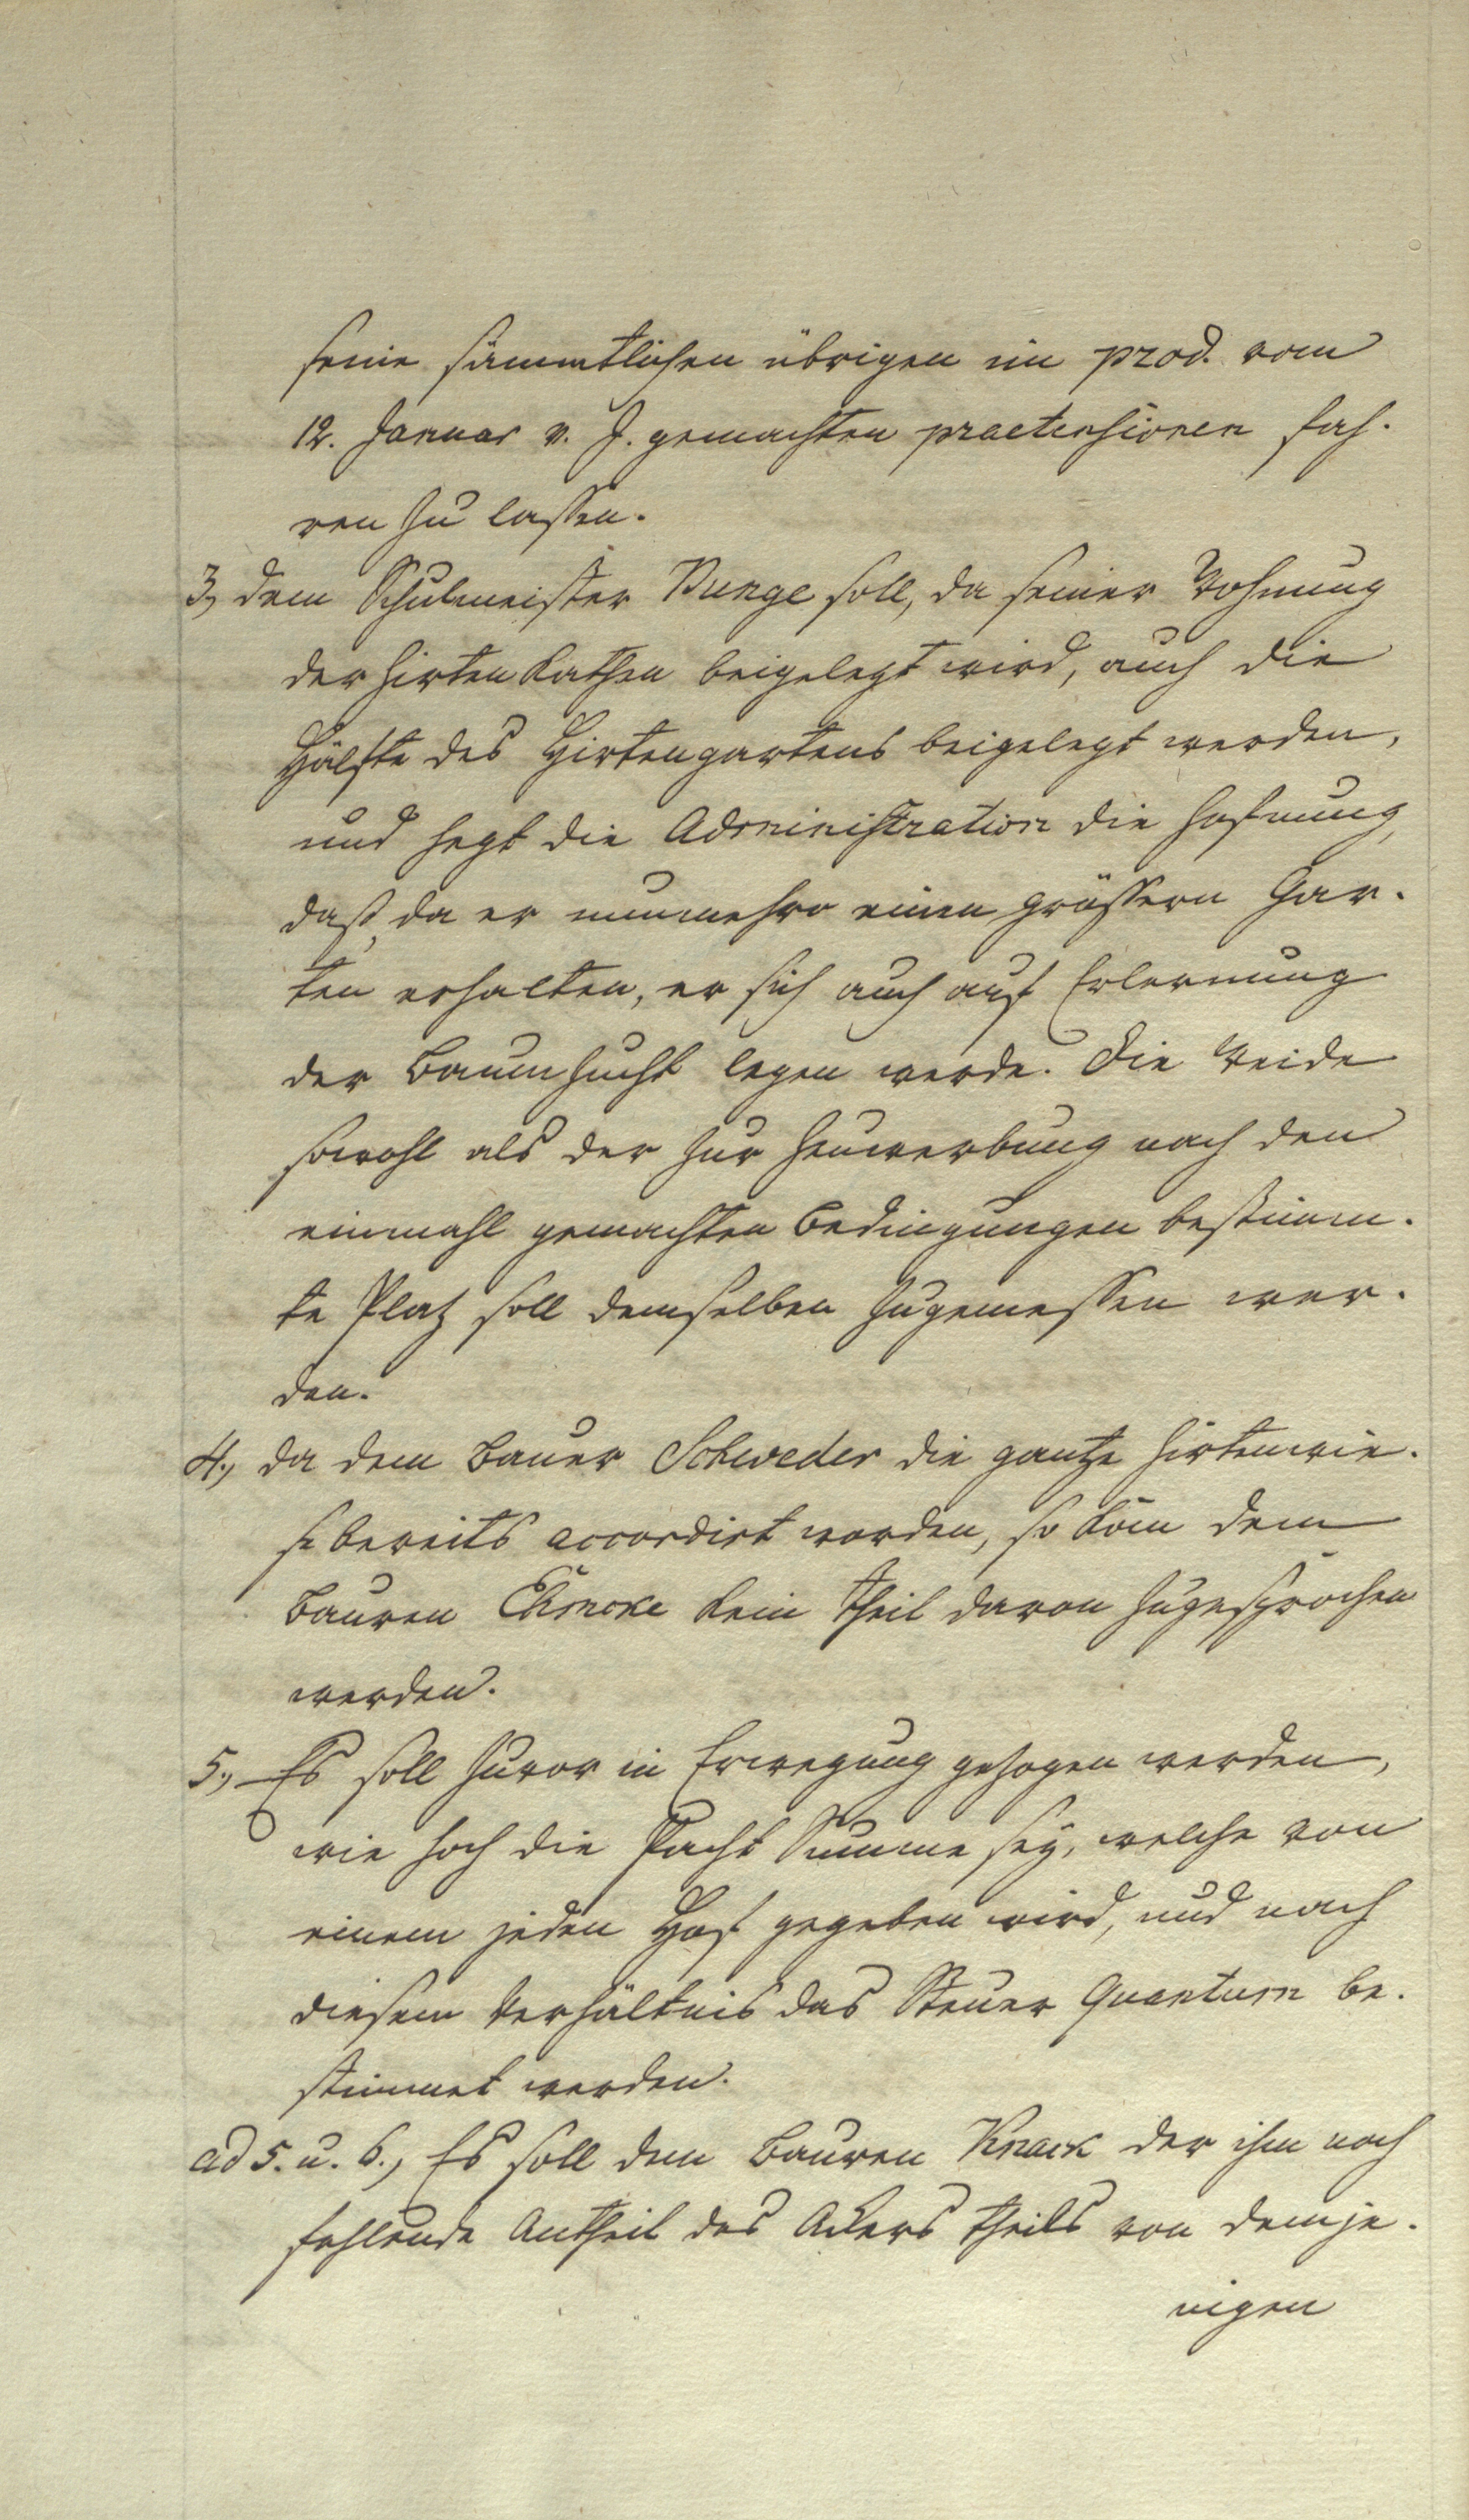seine sämmtlichen übrigen im prod. vom
12. Januar v. J. gemachten praetensionen fah¬
ren zu lassen.
3, dem Schulmeister Bunge soll, da seiner Wohnung
der HirtenKathen beigelegt wird, auch die
Hälfte des Hirtengartens beigelegt werden,
und hegt die Administration die Hofnung,
daß da er nunmehro einen grössern Gar¬
ten erhalten, er sich auch auf Erlernung
der Baumzucht legen werde. Die Weide
sowohl als der zur Heuwerbung nach den
einmahl gemachten Bedingungen bestimm¬
te Platz soll demselben zugemessen wer¬
den.
4., Da dem Bauer Schweder die gantze Hirtenwie¬
se bereits accordirt worden, so kan dem
Bauren Ehmcke kein Theil davon zugesprochen
werden.
5., Es soll zuvor in Erwegung gezogen werden,
wie hoch die Pacht Summe seÿ, welche von
einem jeden Hof gegeben wird, und nach
diesem Verhältnis das Steuer Quantum be¬
stimmet werden.
ad 5. u. 6., Es soll dem Bauren Knack der ihm noch
fehlende Antheil des Ackers theils von demje¬
nigen